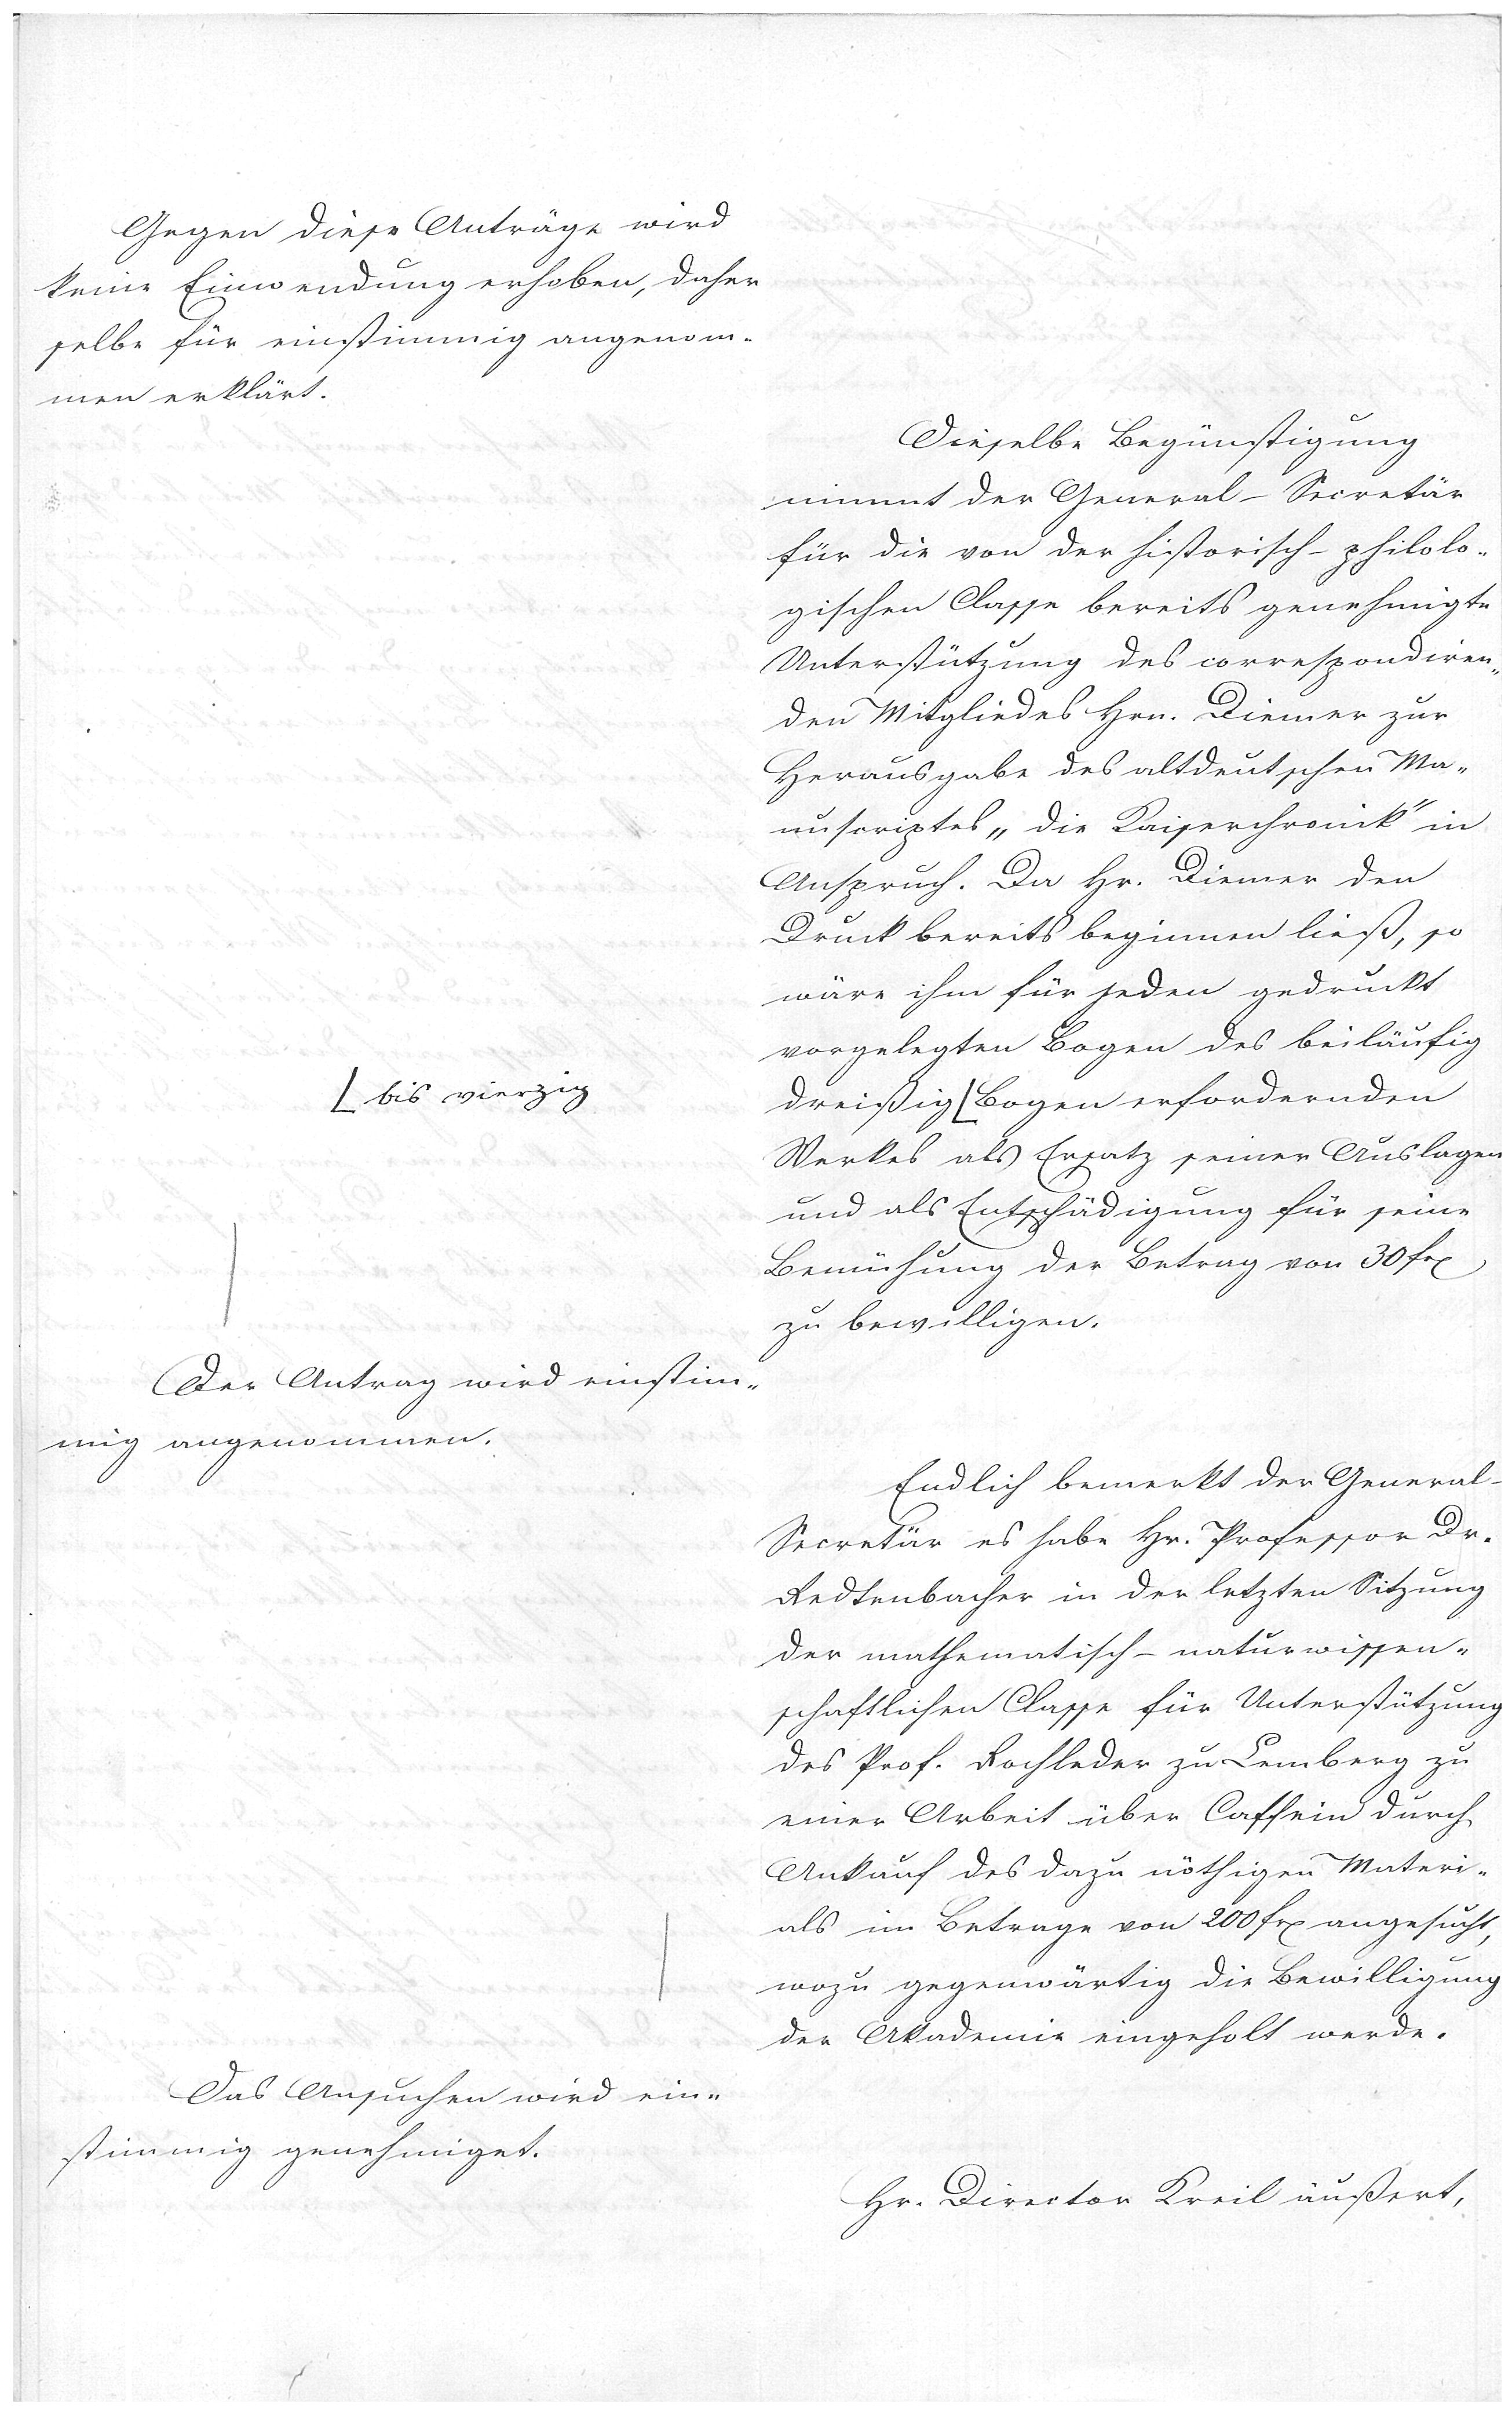Gegen diese Anträge wird
keine Einwendung erhoben, daher
selbe für einstimmig angenom-
men erklärt.
Dieselbe Begünstigung
nimmt der General-Secretär
für die von der historische-philolo-
gischen Classe bereits genehmigte
Unterstützung des correspondiren-
den Mitgliedes Hrn. Diemer zur
Herausgabe des altdeutschen Ma-
unscriptes "Die Kaiserchronik" in
Anspruch. Da Hr. Diemer den
Druck bereits beginnen ließ, so
wäre ihm für jeden gedruckt
vorgelegten Bogen des beiläufig
dreißig Bogen erfordernden
Werkes als Ersatz seiner Auslagen
und als Entschädigung für seine
Bemühung der Betrag von 30 fr
zu bewilligen.
bis vierzig
Der Antrag wird einstim-
mig angenommen.
Endlich bemerkt der General-
Secretär es habe Hr. Professor Dr.
Redtenbacher in der letzten Sitzung
der mathematisch-naturwissen-
schaftlichen Classe für Unterstützung
des Prof. Rochleder zu Lemberg zu
einer Arbeit über Caffein durch
Ankauf des dazu nöthigen Materi-
als im Betrage von 200 fr angesucht,
wozu gegenwärtig die Bewilligung
der Akademie eingeholt werde.
Das Ansuchen wird ein-
stimmig genehmiget.
Hr. Director Kreil äußert,